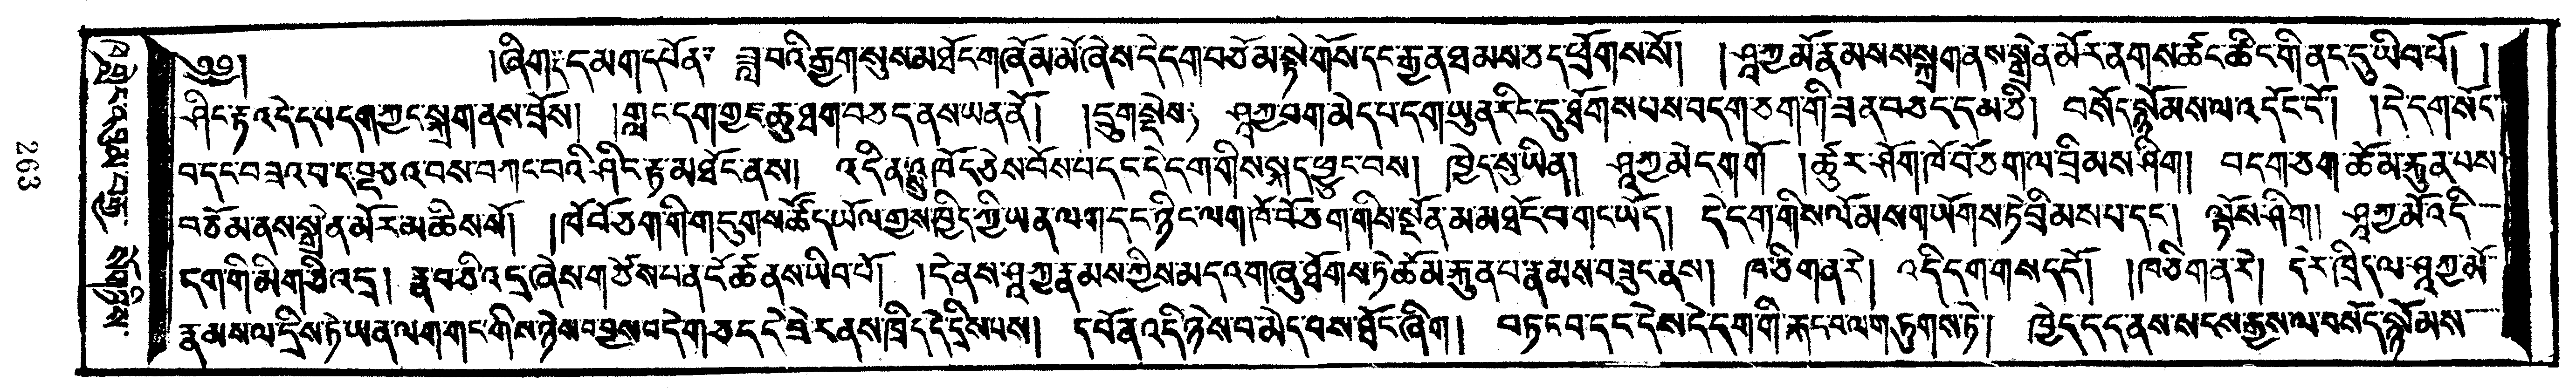༄༅། །ཞིག༑ དམག་དཔོན་ཟླ་བའི་རྒྱག་སུས་མཐོང་གཞོམ་མོ་ཞེས་དེ་དག་བཅོམ་སྟེ་གོས་དང་རྒྱན་ཐམས་ཅད་ཕྲོགས་སོ། །ཤཱཀྱ་མོ་རྣམས་ས་སྐྲག་ནས་སྒྲེན་མོར་ནགས་ཚང་ཚིང་གི་ནང་དུ་ཡིབ་བོ། །
ཤིང་རྟ་འདེད་པ་དག་ཀྱང་སྐྲག་ནས་བྲོས། །གླང་དག་གྱང་ཆུ་ཐག་བཅད་ནས་ཡན་ནོ། །དྲུག་སྡེས༑ ཤཱཀྱ་བག་མེད་པ་དག་ཡུན་རིང་དུ་ཐོགས་པས་བདག་ཅག་གི་ཟན་བཅང་དམ་ཅི། བསོད་སྙོམས་ལ་འདོང་ངོ། །དེ་དག་སོང་
བ་དང་བཟའ་བ་དང་བཅའ་བས་བཀང་བའི་ཤིང་རྟ་མཐོང་ནས། འདི་ན་སུ་འཁོད་ཅེས་བོས་པ་དང་དེ་དག་གིས་སྐད་ཕྱུང་བས། ཁྱེད་སུ་ཡིན། ཤཱཀྱ་མེ་དག་གོ །ཚུར་ཤོག་ཁོ་བོ་ཅག་ལ་བྲིམས་ཤིག། བདག་ཅག་ཆོམ་རྐུན་པས་
བཅོམ་ནས་སྒྲེན་མོར་མཆིས་སོ། །ཁོ་བོ་ཅག་གི་གདུགས་ཚོད་ཡོལ་གྱས་ཁྱིད་ཀྱི་ཡན་ལག་དང་ཉིང་ལག་ཁོ་བོ་ཅག་གིས་སྔོན་མ་མཐོང་བ་གང་ཡོད། དེ་དག་གིས་ལོ་མས་གཡོགས་ཏེ་བྲིམས་པ་དང་། ལྟོས་ཤིག། ཤཱཀྱ་མོ་འདི་
དག་གི་མིག་ཅི་འདྲ། རྣ་བ་ཅི་འདྲ་ཞེས་གཙེས་པ་ན་ངོ་ཚ་ནས་ཡིབ་པོ། །དེ་ནས་ཤཱཀྱ་རྣམས་ཀྱིས་མདའ་གཞུ་ཐོགས་ཏེ་ཆོམ་རྐུན་པ་རྣམས་བཟུང་ནས། ཁ་ཅིག་ན་རེ། འདི་དག་གསད་དོ། །ཁ་ཅིག་ན་རེ། དེར་ཁྲིད་ལ་ཤཱཀྱ་མོ་
རྣམས་ལ་དྲིས་ཏེ་ཡན་ལག་གང་གིས་ཉེས་པ་བྱས་བདེ་གཅད་དེ་ཟེར་ནས་ཁྲིད་དེ་དྲིས་པས། དཔོན་འདི་ཉེས་པ་མེད་པས་ཐོང་ཞིག། བཏང་བ་དང་དེས་དེ་དག་གི་རྐང་པ་ལ་གཏུགས་ཏེ། ཁྱེད་དད་ནས་སངས་རྒྱས་ལ་བསོད་སྙོམས་